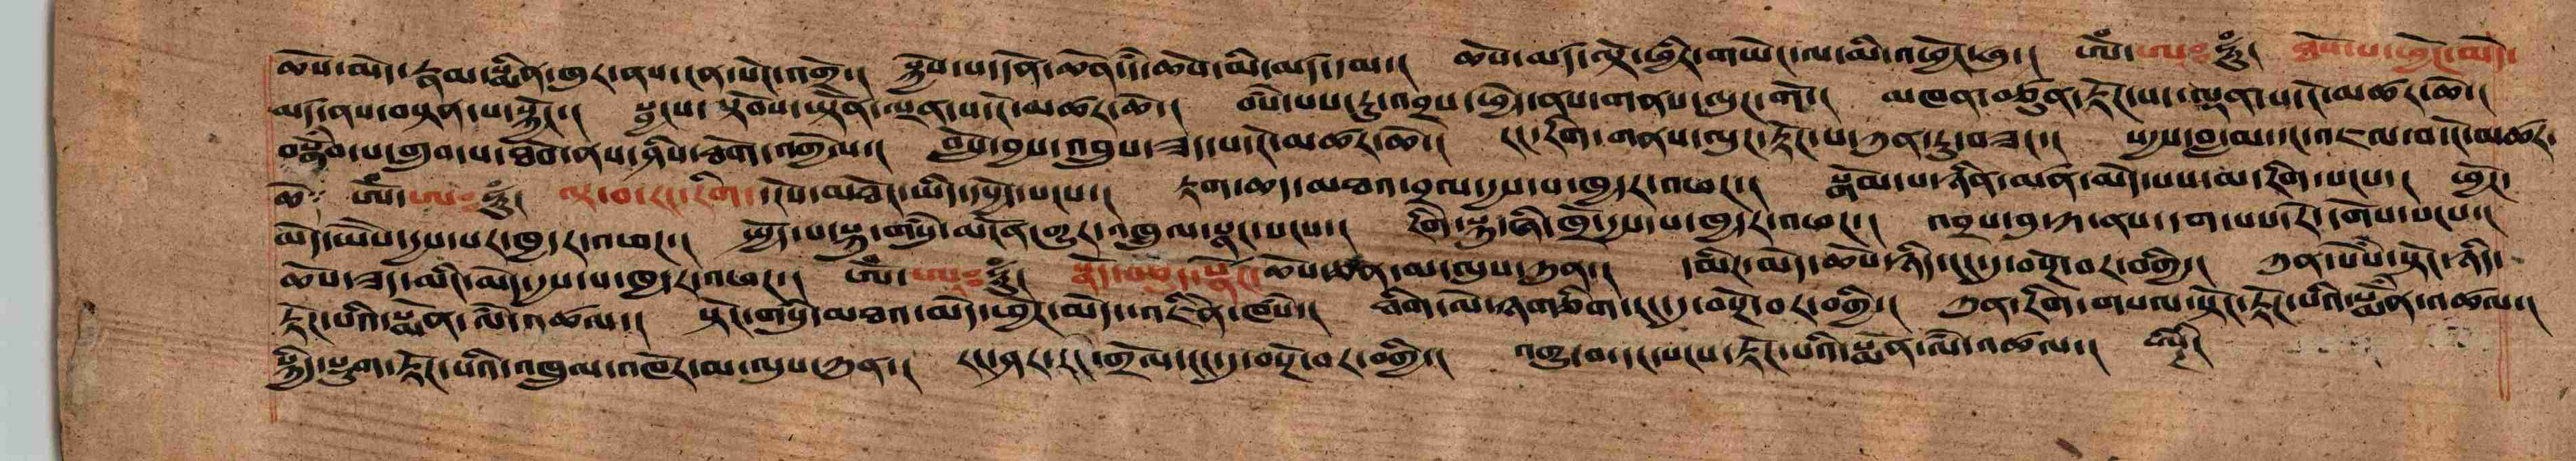ཆོས་མེད་རྣམ་སྨིན་གུར་ནས་ངན་སོང་འགྲོ་། སྐྱོབ་པ་དོན་ཆེན་དམ་ཆོས་མི་མཛད་དམ་། ཆོས་མཛད་ལྟོ་ཕྱིར་གཡེང་ལ་མི་འཕྱོང་ཞུ་། ཨོཾ་ཨཿཧཱུཾ། ཐོས་པ་ཕྱོགས་མེད་
མཛད་ནས་བསྟན་པ་སྐྱོང་། སྦྱངས་སྟོབས་ཡོན་ཏན་ལྡན་པ་ངོ་མཚར་ཆེ་། བསམ་པས་རུ་འབྲས་ཕྱེད་ནས་གནས་ལུགས་གོ། མཁན་བཙུན་རྟོགས་པ་ལྡན་པ་ངོ་མཚར་ཆེ་། 
བསྒོམས་པ་གྲུབ་པ་ཐོབ་ནས་ཤིས་ཐོག་འགྱེལ། བློས་བྱས་འབྲས་བུ་ཟད་པ་ངོ་མཚར་ཆེ། རང་རིག་གནས་ལུགས་རྟོགས་པ་ཀུན་ཏུ་བཟང་། སངས་རྒྱས་བླ་མ་དང་མཇལ་བ་ངོ་མཚར་ཆེ༑ 
ཨོཾ་ཨཿཧཱུཾ། ལྟ་བ་རང་རིག་དངོས་མཐོང་ཡིད་དཔྱོད་སངས། རྟག་ཆད་མཐའ་བྲལ་རྒྱས་པ་ཁྱད་པར་འཕགས། སྒོམ་པ་ཉིན་མཚན་མེད་པས་མ་རིག་སངས། ཕྱོགས་
མེད་ཡེ་ཤེས་རྒྱས་པར་ཁྱད་པར་འཕགས། སྤྱོད་པ་སྐུ་གསུམ་མངོན་གྱུར་འཁྲུལ་སྣང་སངས། རིག་སྐུ་ཞི་ཁྲོ་རྒྱས་པ་ཁྱད་པར་འཕགས། འབྲས་བུ་ཀ་ནས་དག་པས་རེ་དགོས་སངས། 
ཆོས་ཟད་མིང་མེད་རྒྱས་པ་ཁྱད་པར་འཕགས། ཨོཾ་ཨཿཧཱུཾ། སྣོད་བཅུད་སྣ་ཚོགས་ཆོས་ཅན་མ་ལུས་ཀུན། དམིགས་མེད་ཆོས་ཉིད་ངང་དུ་བསྔོ་བར་བགྱི། ཀུན་སེམས་སྟོང་ཉིད་
རྟོགས་པའི་སྨོན་ལམ་འཚལ། སྟོང་གསུམ་མཐའ་མེད་ཕྱོགས་མེད་འཇིག་རྟེན་ཁམས། ཐིག་ལེ་ཉག་གཅིག་ངང་དུ་བསྔོ་བར་བགྱི། ཀུན་རིག་གསལ་སྟོང་རྟོགས་པའི་སྨོན་ལམ་འཚལ། 
སྐྱིད་སྡུག་རྟོགས་པའི་འཁྲུལ་འཁོར་མ་ལུས་ཀུན། རང་ཤར་རང་གྲོལ་ངང་དུ་བསྔོ་བར་བགྱི། འགྱུ་བ་དང་སངས་རྟོགས་པའི་སྨོན་ལམ་འཚལ། ཨིཊི།